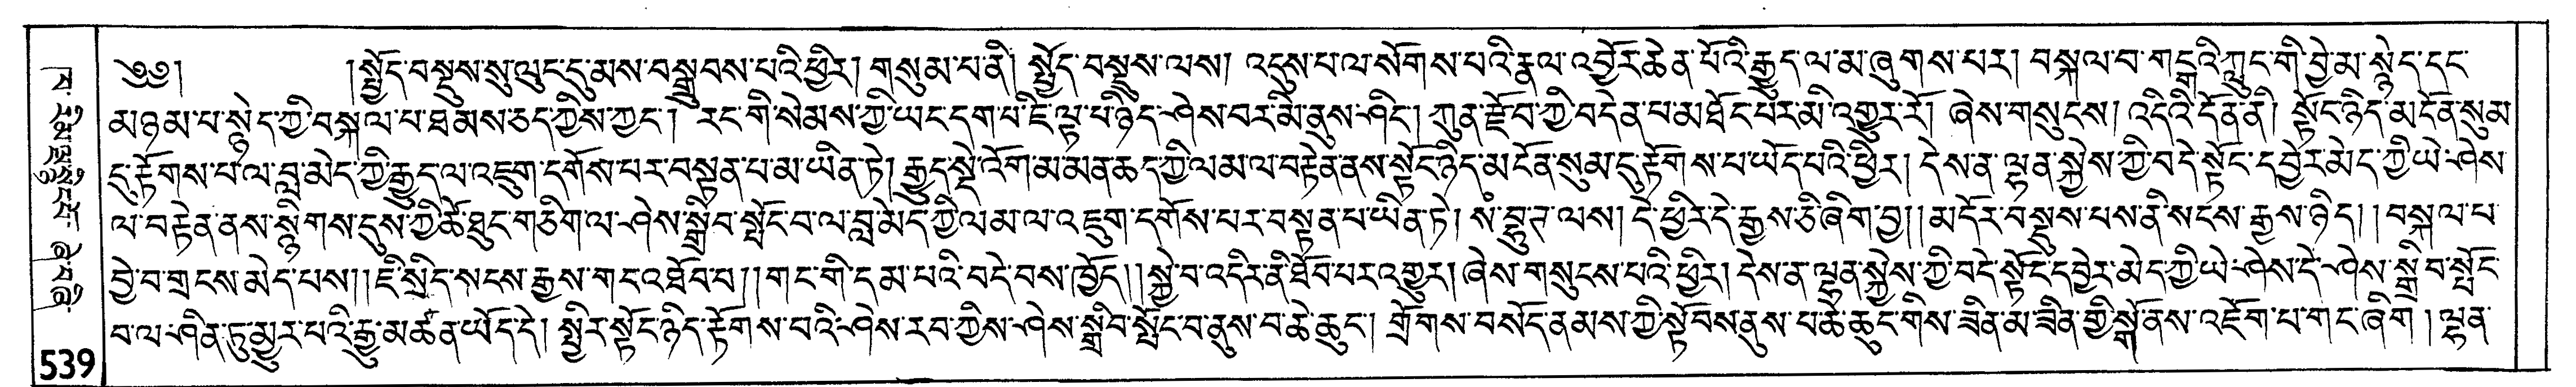༄༅། །སྤྱོད་བསྡུས་སུ་ལུང་དུ་མས་བསྒྲུབས་པའི་ཕྱིར། གསུམ་པ་ནི། སྤྱོད་བསྡུས་ལས། འདུས་པ་ལ་སོགས་པའི་རྣལ་འབྱོར་ཆེན་པོའི་རྒྱུད་ལ་མ་ཞུགས་པར། བསྐལ་བ་གངྒའི་ཀླུང་གི་བྱེ་མ་སྙེད་དང་
མཉམ་པ་སྙེད་ཀྱི་བསྐལ་པ་ཐམས་ཅད་ཀྱིས་ཀྱང་། རང་གི་སེམས་ཀྱི་ཡང་དག་པ་ཇི་ལྟ་པ་ཉིད་ཤེས་བར་མི་ནུས་ཤིང་། ཀུན་རྫོབ་ཀྱི་བདེན་པ་མཐོང་པར་མི་འགྱུར་རོ། །ཞེས་གསུངས། འདིའི་དོན་ནི། སྟོང་ཉིད་མངོན་སུམ་
དུ་རྟོགས་པ་ལ་བླ་མེད་ཀྱི་རྒྱུད་ལ་འཇུག་དགོས་པར་བསྟན་པ་མ་ཡིན་ཏེ། རྒྱུད་སྡེ་འོག་མ་མན་ཆད་ཀྱི་ལམ་ལ་བརྟེན་ནས་སྟོང་ཉིད་མངོན་སུམ་དུ་རྟོགས་པ་ཡོད་པའི་ཕྱིར། དེས་ན་ལྷན་སྐྱེས་ཀྱི་བདེ་སྟོང་དབྱེར་མེད་ཀྱི་ཡེ་ཤེས་
ལ་བརྟེན་ནས་སྙིགས་དུས་ཀྱི་ཚེ་ཐུང་གཅིག་ལ་ཤེས་སྒྲིབ་སྤོང་བ་ལ་བླ་མེད་ཀྱི་ལམ་ལ་འཇུག་དགོས་པར་བསྟན་པ་ཡིན་ཏེ། སཾ་བྷུ་ཊ་ལས། དེ་ཕྱིར་དེ་རྒྱས་ཅི་ཞིག་བྱ། །མདོར་བསྡུས་པས་ནི་སངས་རྒྱས་ཉིད། །བསྐལ་པ་
བྱེ་བ་གྲངས་མེད་པས། །ཇི་སྲིད་སངས་རྒྱས་གང་འཐོབ་པ། །གང་གི་དམ་པའི་བདེ་བས་ཁྱོད། །སྐྱེ་བ་འདིར་ནི་ཐོབ་པར་འགྱུར། ཞེས་གསུངས་པའི་ཕྱིར། དེས་ན་ལྷན་སྐྱེས་ཀྱི་བདེ་སྟོང་དབྱེར་མེད་ཀྱི་ཡེ་ཤེས་དེ་ཤེས་སྒྲིབ་སྤོང་
བ་ལ་ཤིན་ཏུ་མྱུར་པའི་རྒྱུ་མཚན་ཡོད་དེ། སྤྱིར་སྟོང་ཉིད་རྟོགས་པའི་ཤེས་རབ་ཀྱིས་ཤེས་སྒྲིབ་སྤོང་བ་ནུས་བ་ཆེ་ཆུང་། གྲོགས་བསོད་ནམས་ཀྱི་སྟོབས་ནུས་པ་ཆེ་ཆུང་གིས་ཟིན་མ་ཟིན་གྱི་སྒོ་ནས་འཇོག་པ་གང་ཞིག །ལྷན་